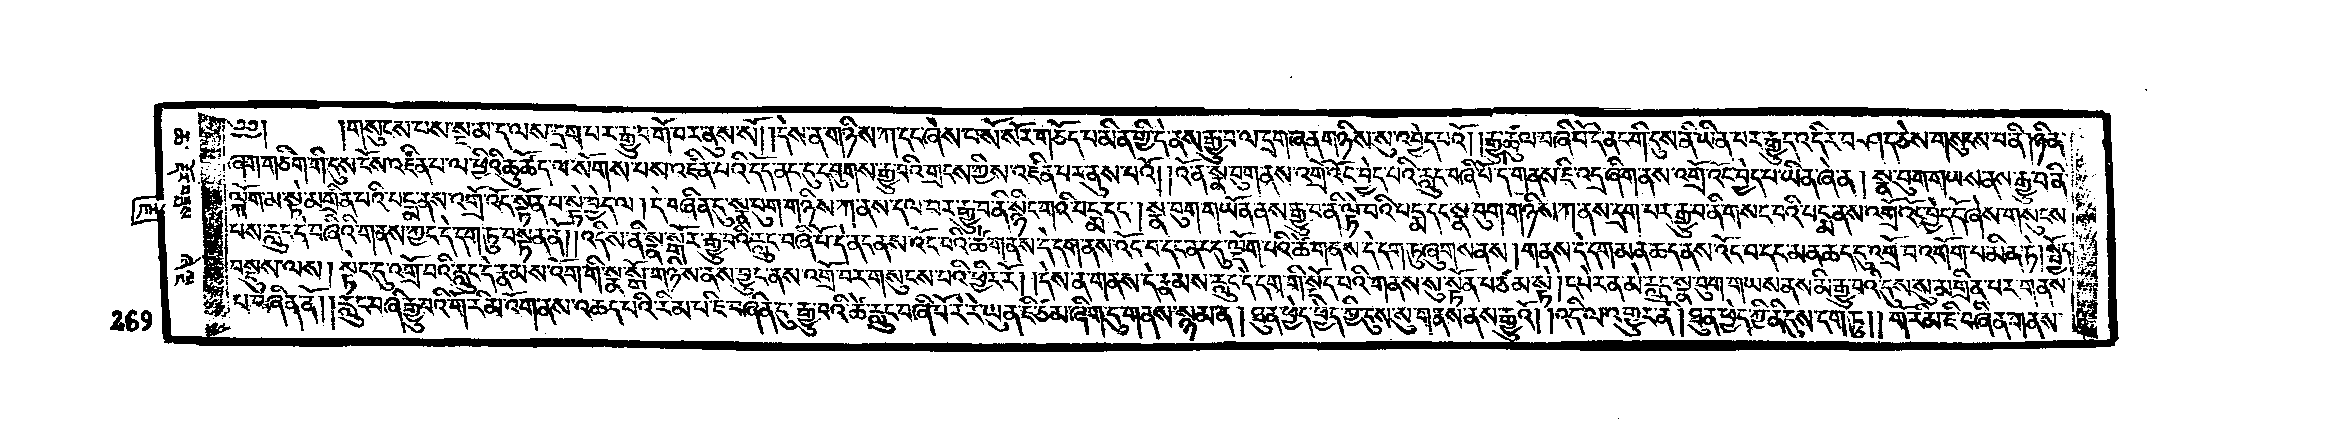༄༅། །གསུངས་པས་སྔ་མ་དེ་ལས་དྲག་པར་རྒྱུ་བ་གོ་བར་ནུས་སོ། །དེས་ན་གཉིས་ཀ་དང་ཞེས་པ་སོ་སོར་གཅོད་པ་མིན་གྱི་དེ་ནས་རྒྱུ་བ་ལ་དྲག་ཞན་གཉིས་སུ་འབྱེད་པའོ། །རྒྱུ་ཚུལ་བཞི་པོ་དེ་ནང་གི་དུས་ནི་ཡིན་པར་རྒྱུད་འདིར་བཤད་ཅེས་གསུངས་པ་ནི། ཉིན་
ཞག་གཅིག་གི་དུས་ངོས་འཛིན་པ་ལ་ཕྱིའི་ཆུ་ཚོད་ལ་སོགས་པས་འཛིན་པའི་དོད་ནང་དུ་དབུགས་རྒྱུ་བའི་གྲངས་ཀྱིས་འཛིན་པར་ནུས་པའོ། །འོ་ན་སྣ་བུག་ནས་འགྲོ་འོང་བྱེད་པའི་རླུང་བཞི་པོ་དེ་གནས་ཇི་འདྲ་ཞིག་ནས་འགྲོ་འོང་བྱེད་པ་ཡིན་ཞེ་ན། སྣ་བུག་གཡས་ནས་རྒྱུ་བ་ནི་
ལྐོག་མ་སྟེ་མགྲིན་པའི་པདམ་ནས་འགྲོ་འོང་སྟོན་པ་སྟེ་བྱེད་ལ། དེ་བཞིན་དུ་སྣ་བུག་གཉིས་ཀ་ནས་དེ་ལ་བར་རྒྱུ་བ་ནི་སྙིང་གའི་པདམ་དང་། སྣ་བུག་གཡོན་ནས་རྒྱུ་བ་ནི་ལྟེ་བའི་པདམ་དང་སྣ་བུག་གཉིས་ཀ་ནས་དྲག་པར་རྒྱུ་བ་ནི་གསང་བའི་པདམ་ནས་འགྲོ་འོང་བྱེད་དོ་ཞེས་གསུངས་
པས་རླུང་དེ་བཞིའི་གནས་ཀྱང་དེ་དག་ཏུ་བསྟན་ནོ། །འདིས་ནི་སྣ་སྒོར་རྒྱུ་བའི་རླུང་བཞི་པོ་དེ་ནང་ནས་འོང་བའི་ཚེ་གནས་དེ་དག་ནས་འོང་བ་དང་ནང་དུ་ལྡོག་པའི་ཚེ་གནས་དེ་དག་ཏུ་ཞུགས་ནས། གནས་དེ་དག་མན་ཆད་ནས་འོང་བ་དང་མན་ཆད་དུ་འགྲོ་བ་འགོག་པ་མིན་ཏེ། སྤྱོད་
བསྡུས་ལས། སྟེང་དུ་འགྲོ་བའི་རླུང་དེ་རྣམས་འོག་གི་སྣ་སྒོ་གཉིས་ནས་བྱུང་ནས་འགྲོ་བར་གསུངས་པའི་ཕྱིར་རོ། །དེས་ན་གནས་དེ་རྣམས་རླུང་དེ་དག་གི་སྡོད་པའི་གནས་སུ་སྟོན་པ་ཙམ་སྟེ། དཔེར་ན་མེ་རླུང་སྣ་བུག་གཡས་ནས་མི་རྒྱུ་བའི་དུས་སུ་མགྲིན་པར་གནས་
པ་བཞིན་ནོ། །རླུང་བཞི་རྒྱུ་བའི་གོ་རིམ་འོག་ནས་འཆད་པའི་རིམ་པ་ཇི་བཞིན་དུ་རྒྱུ་བའི་ཚེ་རླུང་བཞི་པོ་རེ་རེ་ཡུན་ཇི་ཙམ་ཞིག་དུ་གནས་སྙམ་ན། ཐུན་ཕྱེད་ཕྱེད་ཀྱི་དུས་སུ་གནས་ནས་རྒྱུའོ། །འདི་ལ་འགྱུར་ནི། ཐུན་ཕྱེད་ཀྱི་ནི་དུས་དག་ཏུ། །གོ་རིམ་ཇི་བཞིན་གནས་